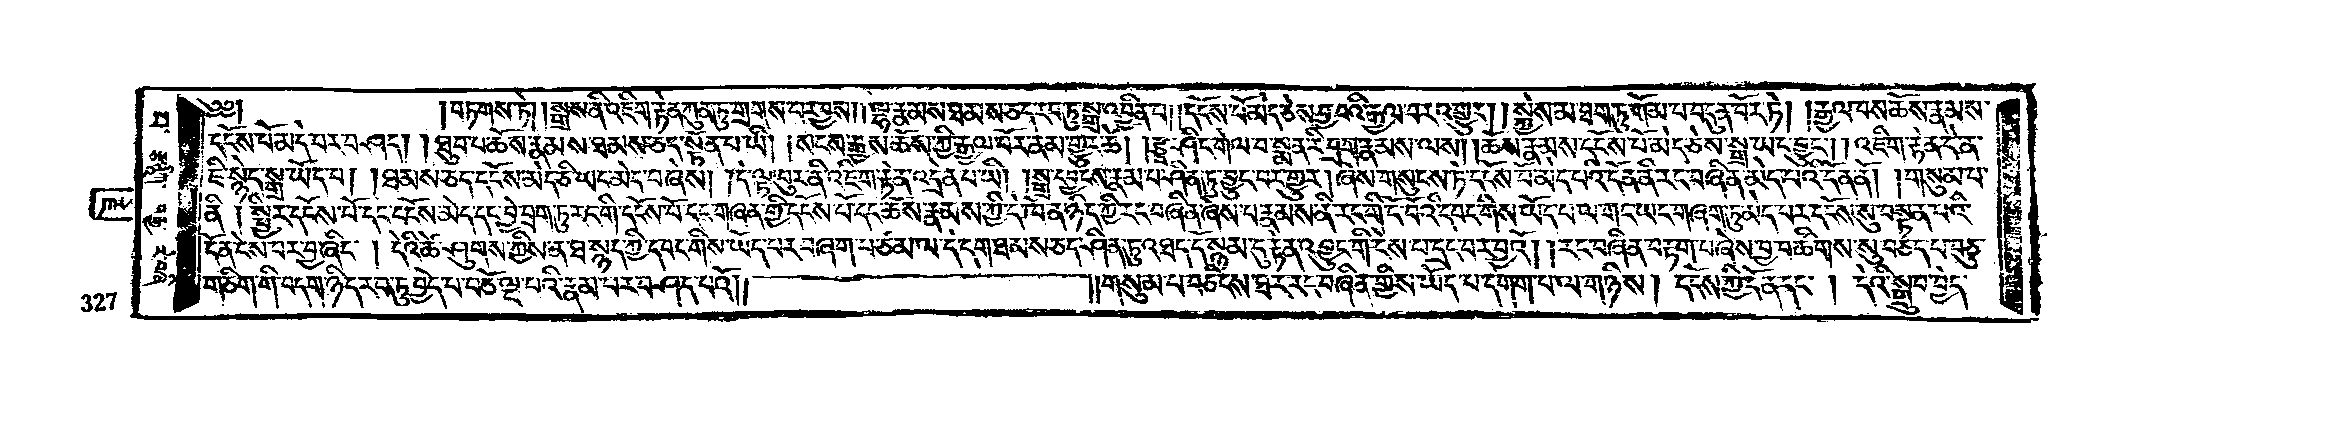༄༅། །བཏགས་ཏེ། །སྒྲས་ནི་འཇིག་རྟེན་ཀུན་ཏུ་གྲགས་པར་བྱས། །ལྷ་རྣམས་ཐམས་ཅད་རབ་ཏུ་སྒྲ་འབྱིན་པ། །དངོས་པོ་མེད་ཅེས་བྱ་བའི་རྒྱལ་བར་འགྱུར། །སྐྱེས་མ་ཐག་ཏུ་གོམ་པ་བདུན་བོར་ཏེ། །རྒྱལ་བས་ཆོས་རྣམས་
དངོས་པོ་མེད་པར་བཤད། །ཐུབ་པ་ཆོས་རྣམས་ཐམས་ཅད་སྟོན་པ་ཡི། །སངས་རྒྱས་ཆོས་ཀྱི་རྒྱལ་པོར་ནམ་གྱུར་ཚེ། །རྩྭ་ཤིང་གལ་པ་སྨན་རི་བྲག་རྣམས་ལས། །ཆོས་རྣམས་དངོས་པོ་མེད་ཅེས་སྒྲ་ཡང་བྱུང་། །འཇིག་རྟེན་དེ་ན་
ཇི་སྙེད་སྒྲ་ཡོད་པ། །ཐམས་ཅད་དངོས་མེད་ཅི་ཡང་མེད་པ་ཞེས། །དེ་ལྟ་བུར་ནི་འཇིག་རྟེན་འདྲེན་པ་ཡི། །སྒྲ་དབྱངས་རྣམ་པ་ཤིན་ཏུ་བྱུང་བར་གྱུར། །ཞེས་གསུངས་ཏེ་དངོས་པོ་མེད་པའི་དོན་ནི་རང་བཞིན་མེད་པའི་དོན་ནོ། །གསུམ་པ་
ནི་༑སྤྱིར་དངོས་པོ་དང་དངོས་མེད་དང་བྱེ་བྲག་ཏུ་རང་གི་དངོས་པོ་དང་གཞན་གྱི་དངོས་པོ་དང་ཆོས་རྣམས་ཀྱི་དེ་ཁོ་ན་ཉིད་ཀྱི་རང་བཞིན་ཞེས་པ་རྣམས་ནི་རང་གི་ངོ་བོའི་དབང་གིས་ཡོད་པ་ལ་གང་ཡང་གཞག་ཏུ་མེད་པར་དངོས་སུ་བསྟན་པའི་
དོན་ངེས་པར་བྱ་ཞིང་། དེའི་ཚེ་ཤུགས་ཀྱིས་ན་ཐ་སྙད་ཀྱི་དབང་གིས་ཡོད་པར་བཞག་པ་ཙམ་ལ་དེ་དག་ཐམས་ཅད་ཤིན་ཏུ་འཐད་དོ་སྙམ་དུ་རྟེན་འབྱུང་གི་ངེས་བ་དྲང་བར་བྱའོ། །རང་བཞིན་བརྟག་པ་ཞེས་བྱ་བ་ཚིགས་སུ་བཅད་པ་བཅུ་
གཅིག་གི་བདག་ཉིད་རབ་ཏུ་བྱེད་པ་བཅོ་ལྔ་པའི་རྣམ་པར་བཤད་པའོ།། །།གསུམ་པ་བཅིངས་ཐར་རང་བཞིན་གྱིས་ཡོད་པ་དགག་པ་ལ་གཉིས། དངོས་ཀྱི་དོན་དང་། དེའི་སྒྲུབ་བྱེད་